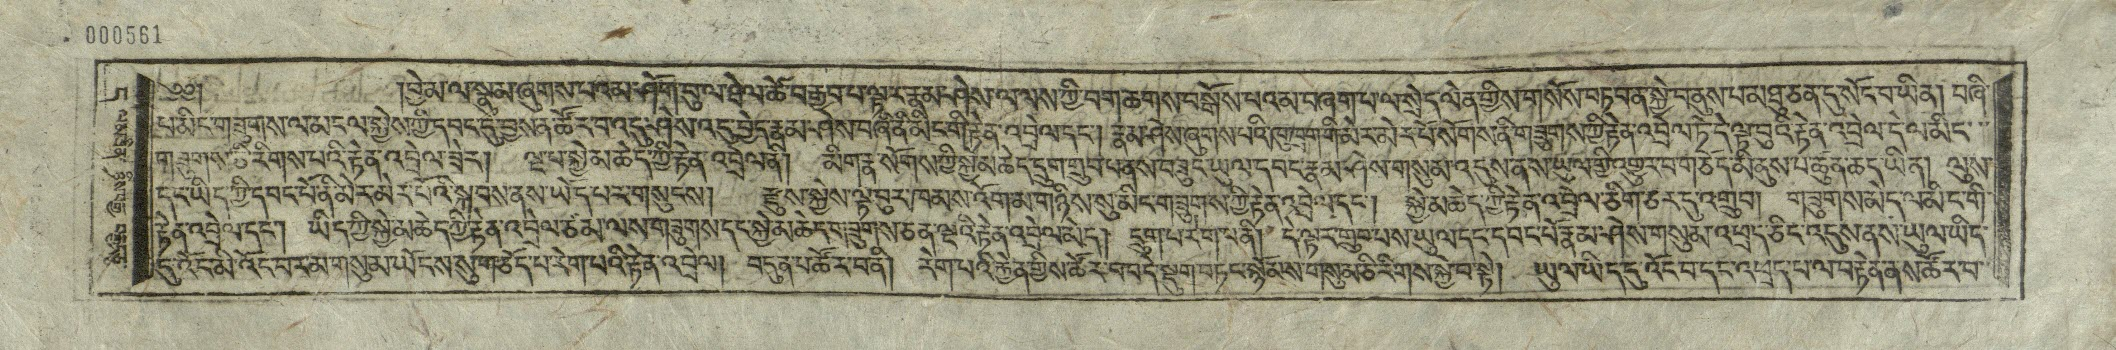༄༅། །བྱེ་མ་ལ་སྣུམ་ཞུགས་པའམ་ཤོག་བུ་ལ་ཐེལ་ཚེ་བརྒྱབ་པ་ལྟར་རྣམ་ཤེས་ལ་ལས་ཀྱི་བག་ཆགས་བསྒོས་པའམ་བཞག་པ་ལ་སྲེད་ལེན་གྱིས་གསོས་བཏབ་ན་སྐྱེ་བ་ནུས་པ་མཐུ་ཅན་དུ་སོང་བ་ཡིན། བཞི་
པ་མིང་གཟུགས་ལ་མངལ་སྐྱེས་ཀྱི་དབང་དུ་བྱས་ན་ཚོར་བ་འདུ་ཤེས་འདུ་བྱེད་རྣམ་ཤེས་བཞི་ནི་མིང་གི་རྟེན་འབྲེལ་དང་། རྣམ་ཤེས་ཞུགས་པའི་ཁུ་ཁྲག་གི་མེར་མེར་པོ་སོགས་ནི་གཟུགས་ཀྱི་རྟེན་འབྲེལ་ཏེ་དེ་ལྟ་བུའི་རྟེན་འབྲེལ་དེ་ལ་མིང་
གཟུགས་ཅི་རིགས་པའི་རྟེན་འབྲེལ་ཟེར། ལྔ་པ་སྐྱེ་མཆེད་ཀྱི་རྟེན་འབྲེལ་ནི། མིག་རྣ་སོགས་ཀྱི་སྐྱེ་མཆེད་དྲུག་གྲུབ་པ་ནས་བཟུང་ཡུལ་དབང་རྣམ་ཤེས་གསུམ་འདུས་ནས་ཡུལ་གྱི་འགྱུར་བ་གཅོད་མི་ནུས་པ་ཚུན་ཆད་ཡིན། ལུས་
དང་ཡིད་ཀྱི་དབང་པོ་ནི་མེར་མེར་པོའི་སྐབས་ནས་ཡོད་པར་གསུངས། རྫུས་སྐྱེས་ལྟ་བུར་ཁམས་འོག་མ་གཉིས་སུ་མིང་གཟུགས་ཀྱི་རྟེན་འབྲེལ་དང་། སྐྱེ་མཆེད་ཀྱི་རྟེན་འབྲེལ་ཅིག་ཅར་དུ་འགྲུབ། གཟུགས་མེད་ལ་མིང་གི་
རྟེན་འབྲེལ་དང་། ཡིད་ཀྱི་སྐྱེ་མཆེད་ཀྱི་རྟེན་འབྲེལ་ཙམ་ལས་གཟུགས་དང་སྐྱེ་མཆེད་གཟུགས་ཅན་ལྔའི་རྟེན་འབྲེལ་མེད། དྲུག་པ་རེག་པ་ནི། དེ་ལྟར་གྲུབ་པས་ཡུལ་དང་དབང་པོ་རྣམ་ཤེས་གསུམ་འཕྲད་ཅིང་འདུས་ནས་ཡུལ་ཡིད་
དུ་འོང་མི་འོང་བར་མ་གསུམ་ཡོངས་སུ་གཅོད་པ་རེག་པའི་རྟེན་འབྲེལ། བདུན་པ་ཚོར་བ་ནི། རེག་པའི་རྐྱེན་གྱིས་ཚོར་བ་བདེ་སྡུག་བཏང་སྙོམས་གསུམ་ཅི་རིགས་སྐྱེ་བ་སྟེ། ཡུལ་ཡིད་དུ་འོང་བ་དང་འཕྲད་པ་ལ་བརྟེན་ནས་ཚོར་བ་